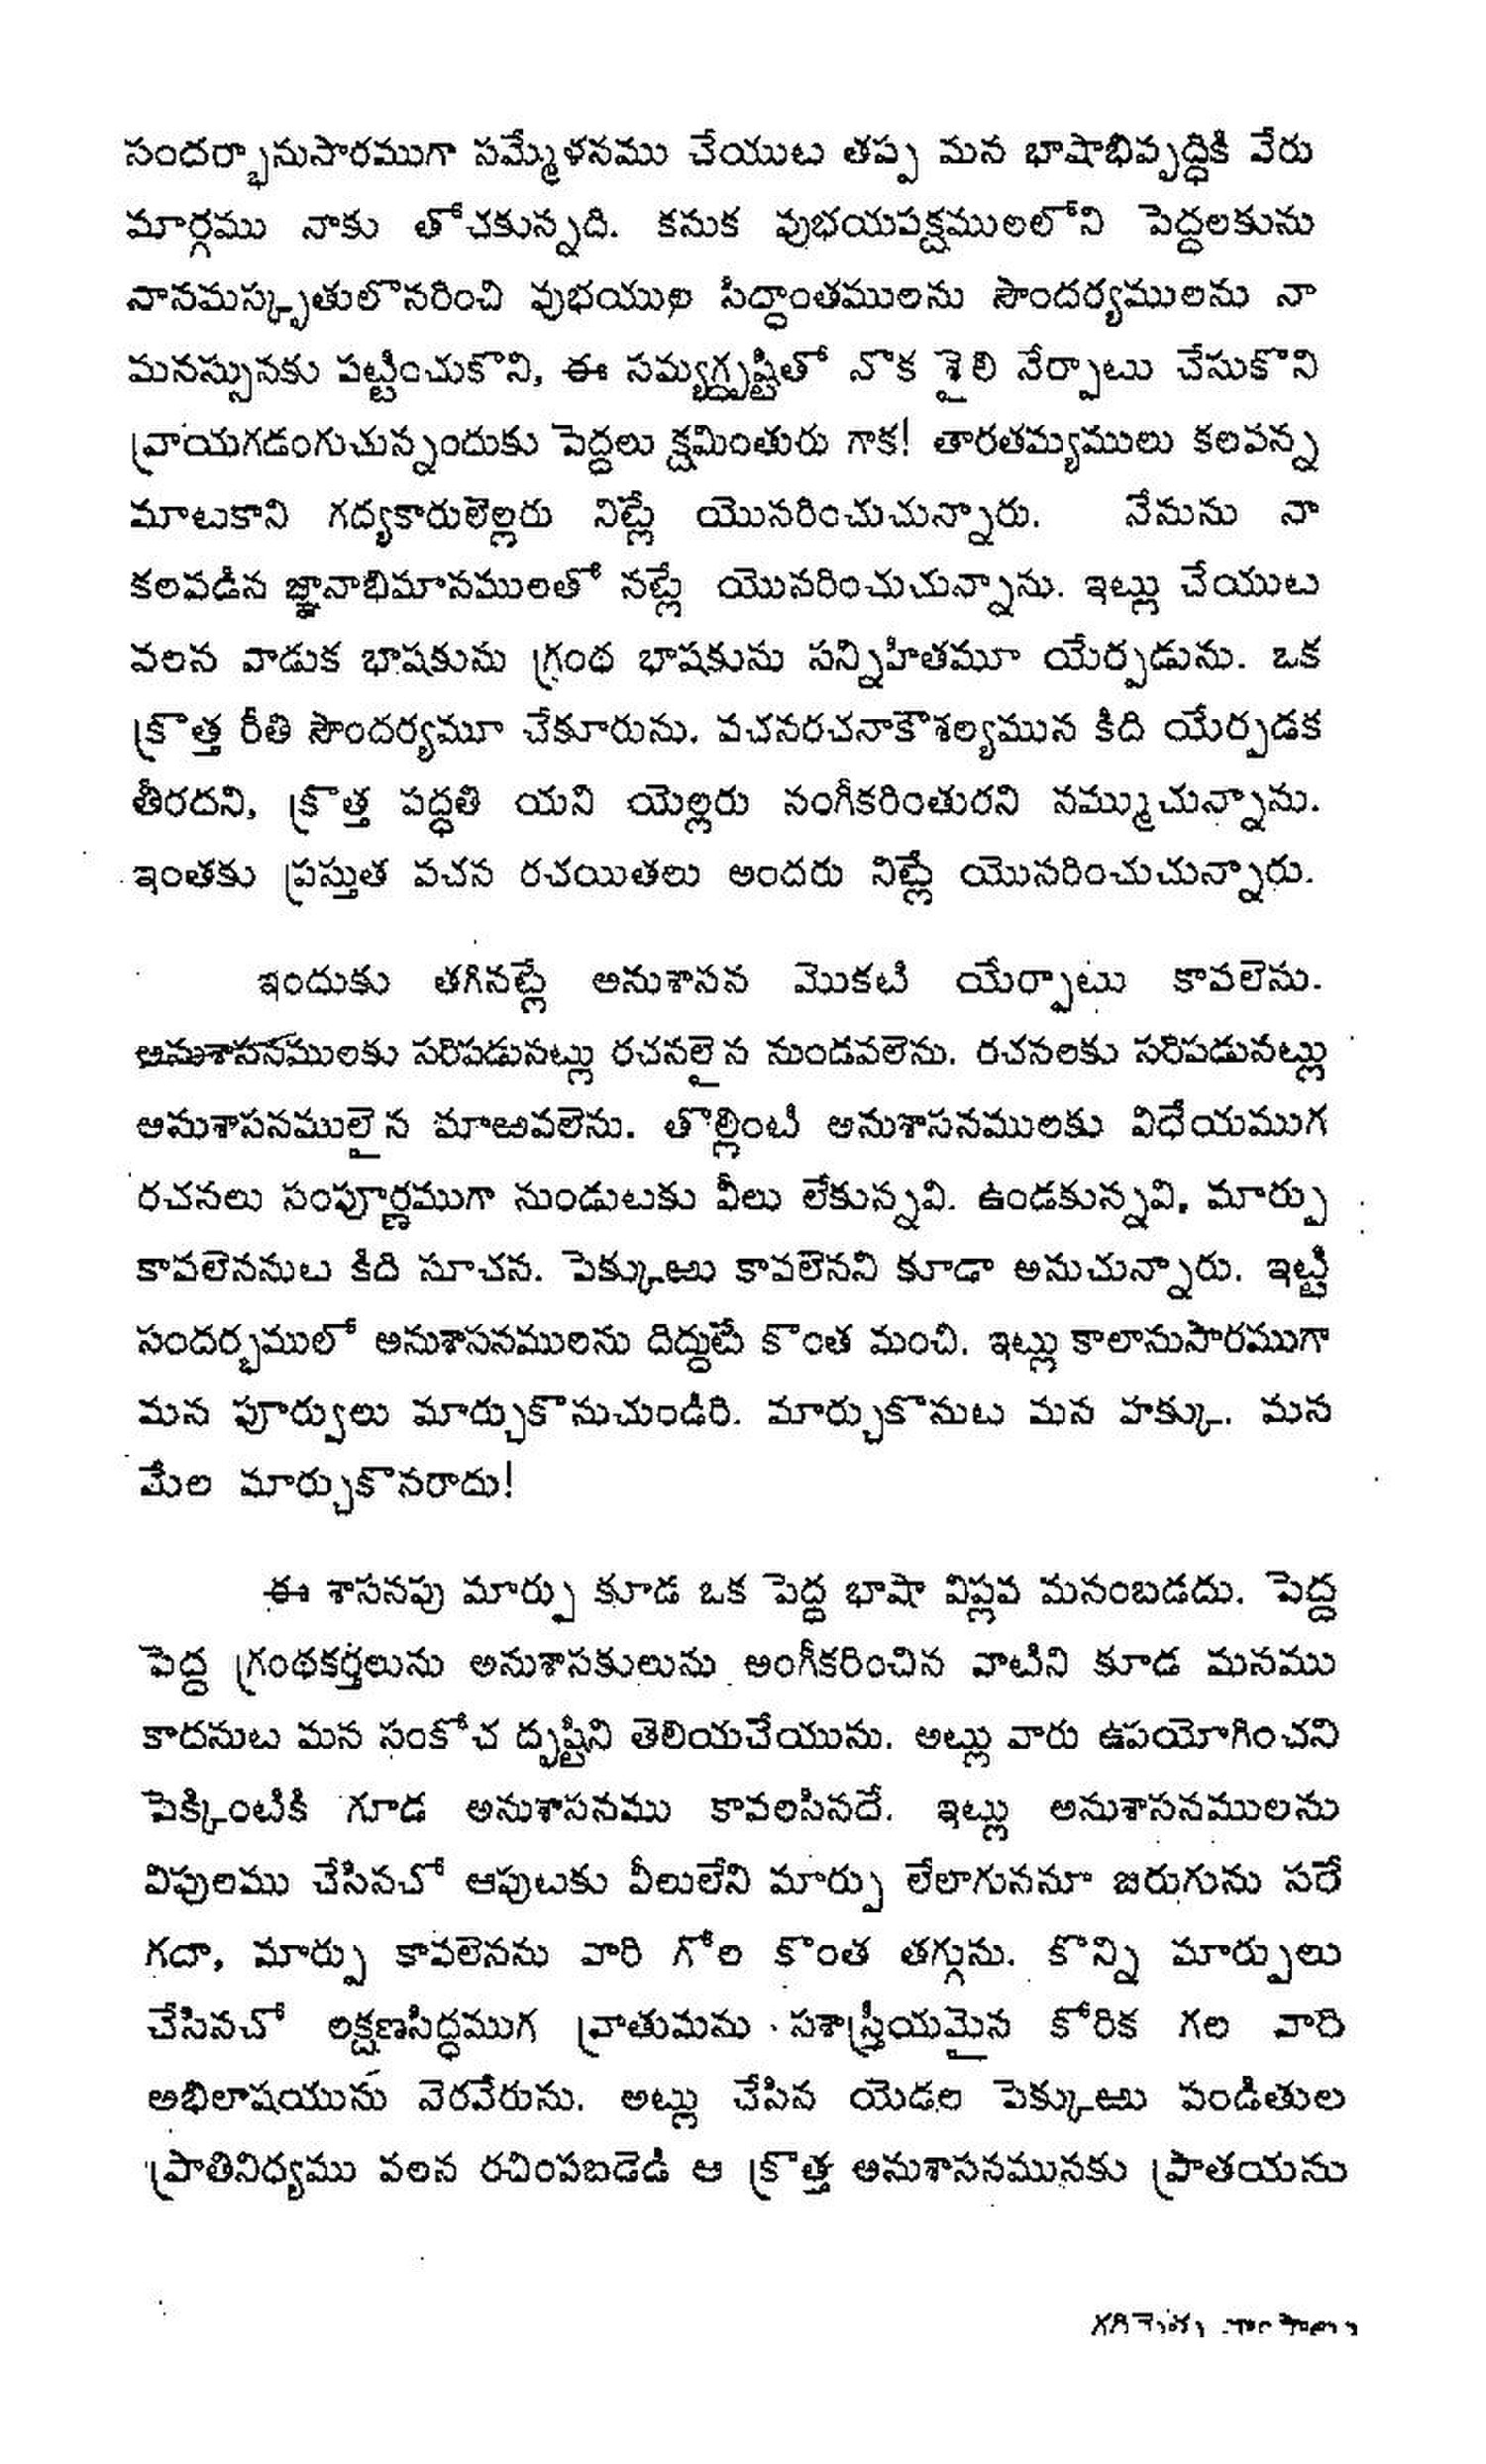సందర్భానుసారంగా సమ్మేళనము చేయుట తప్ప మన భాషాభివృద్ధికి వేరు మార్గము నాకు తోచకున్నది. కనుక వుభయపక్షములలోని పెద్దలకును నానమస్కృతులొనరించి వుభయుల సిద్దాంతములను సౌందర్యములను నా మనస్సునకు పట్టించుకొని, ఈ సమ్యగ్దృష్టితో నొక శైలి నేర్పాటు చేసుకొని వ్రాయగడంగుచున్నందుకు పెద్దలు క్షమింతురు గాక! తారతమ్యములు కలవన్న మాటకాని గద్యకారులెల్లరు నిట్లే యొనరించుచున్నారు. నేనును నా కలవడిన జ్ఞానాభిమానములతో నట్లే యొనరించుచున్నాను. ఇట్లు చేయుటవలన వాడుక భాషకును గ్రంథ భాషకును సన్నిహితమూ యేర్పడును. ఒక క్రొత్త రీతి సౌందర్యమూ చెకూరును. వచనరచనాకౌశల్యమున కిది యేర్పడక తీరదని, క్రొత్త పద్ధితి యని యెల్లరు నంగీకరింతురని నమ్ముచున్నాను. ఇంతకు ప్రస్తుత వచన రచయితలు అందరు నిట్లే యొనరించుచున్నారు.

ఇందుకు తగినట్లే అనుశాసన మొకటి యేర్పాటు కావలెను. అనుశాసనములకు సరిపడునట్లు రచనలైన నుండవలెను. రచనలకు సరిపడునట్లు అనుశాసనములైన మాఱవలెను. తొల్లింటి అనుశాసనములకు విధేయముగ రచనలు సంపూర్ణముగా నుండుటకు వీలు లేకున్నవి. ఉండకున్నవి, మార్పు కావలెననుట కిది సూచన. పెక్కుఱు కావలెనని కూడా అనుచున్నారు. ఇట్టి సందర్భములో అనుశాసనములను దిద్దుటే కొంత మంచి. ఇట్లు కాలానుసారముగా మన పూర్వులు మార్చుకొనుచుండిరి. మార్చుకొనుట మన హక్కు మన మేల మార్చుకొనరాదు!

ఈ శాసనపు మార్పు కూడ ఒక పెద్ద భాషా విప్లవ మనంబడదు. పెద్ద పెద్ద గ్రంథకర్తలును అనుశాసకులును అంగీకరించిన వాటిని కూడ మనము కాదనుట మన సంకోచ దృష్టిని తెలియచేయును. అట్లు వారు ఉపయోగించని పెక్కింటికి గూడ అనుశాసనము కావలసినదే. ఇట్లు అనుశాసనములను విపులము చేసినచో ఆపుటకు వీలులేని మార్పు లేలాగుననూ జరుగును సరే గదా. మర్పు కావలెనను వారి గోల కొంత తగ్గును. కొన్ని మార్పులు చేసినచో లక్షణసిద్ధముగ వ్రాతుమను సశాస్త్రీయమైన కోరిక గల వారి అభిలాషయును నెరవేరును. అట్లు చేసిన యెడల పెక్కుఱు పండితుల ప్రాతినిధ్యము వలన రచింపబడెడి ఆ క్రొత్త అనుశాసనమునకు ప్రాతయను